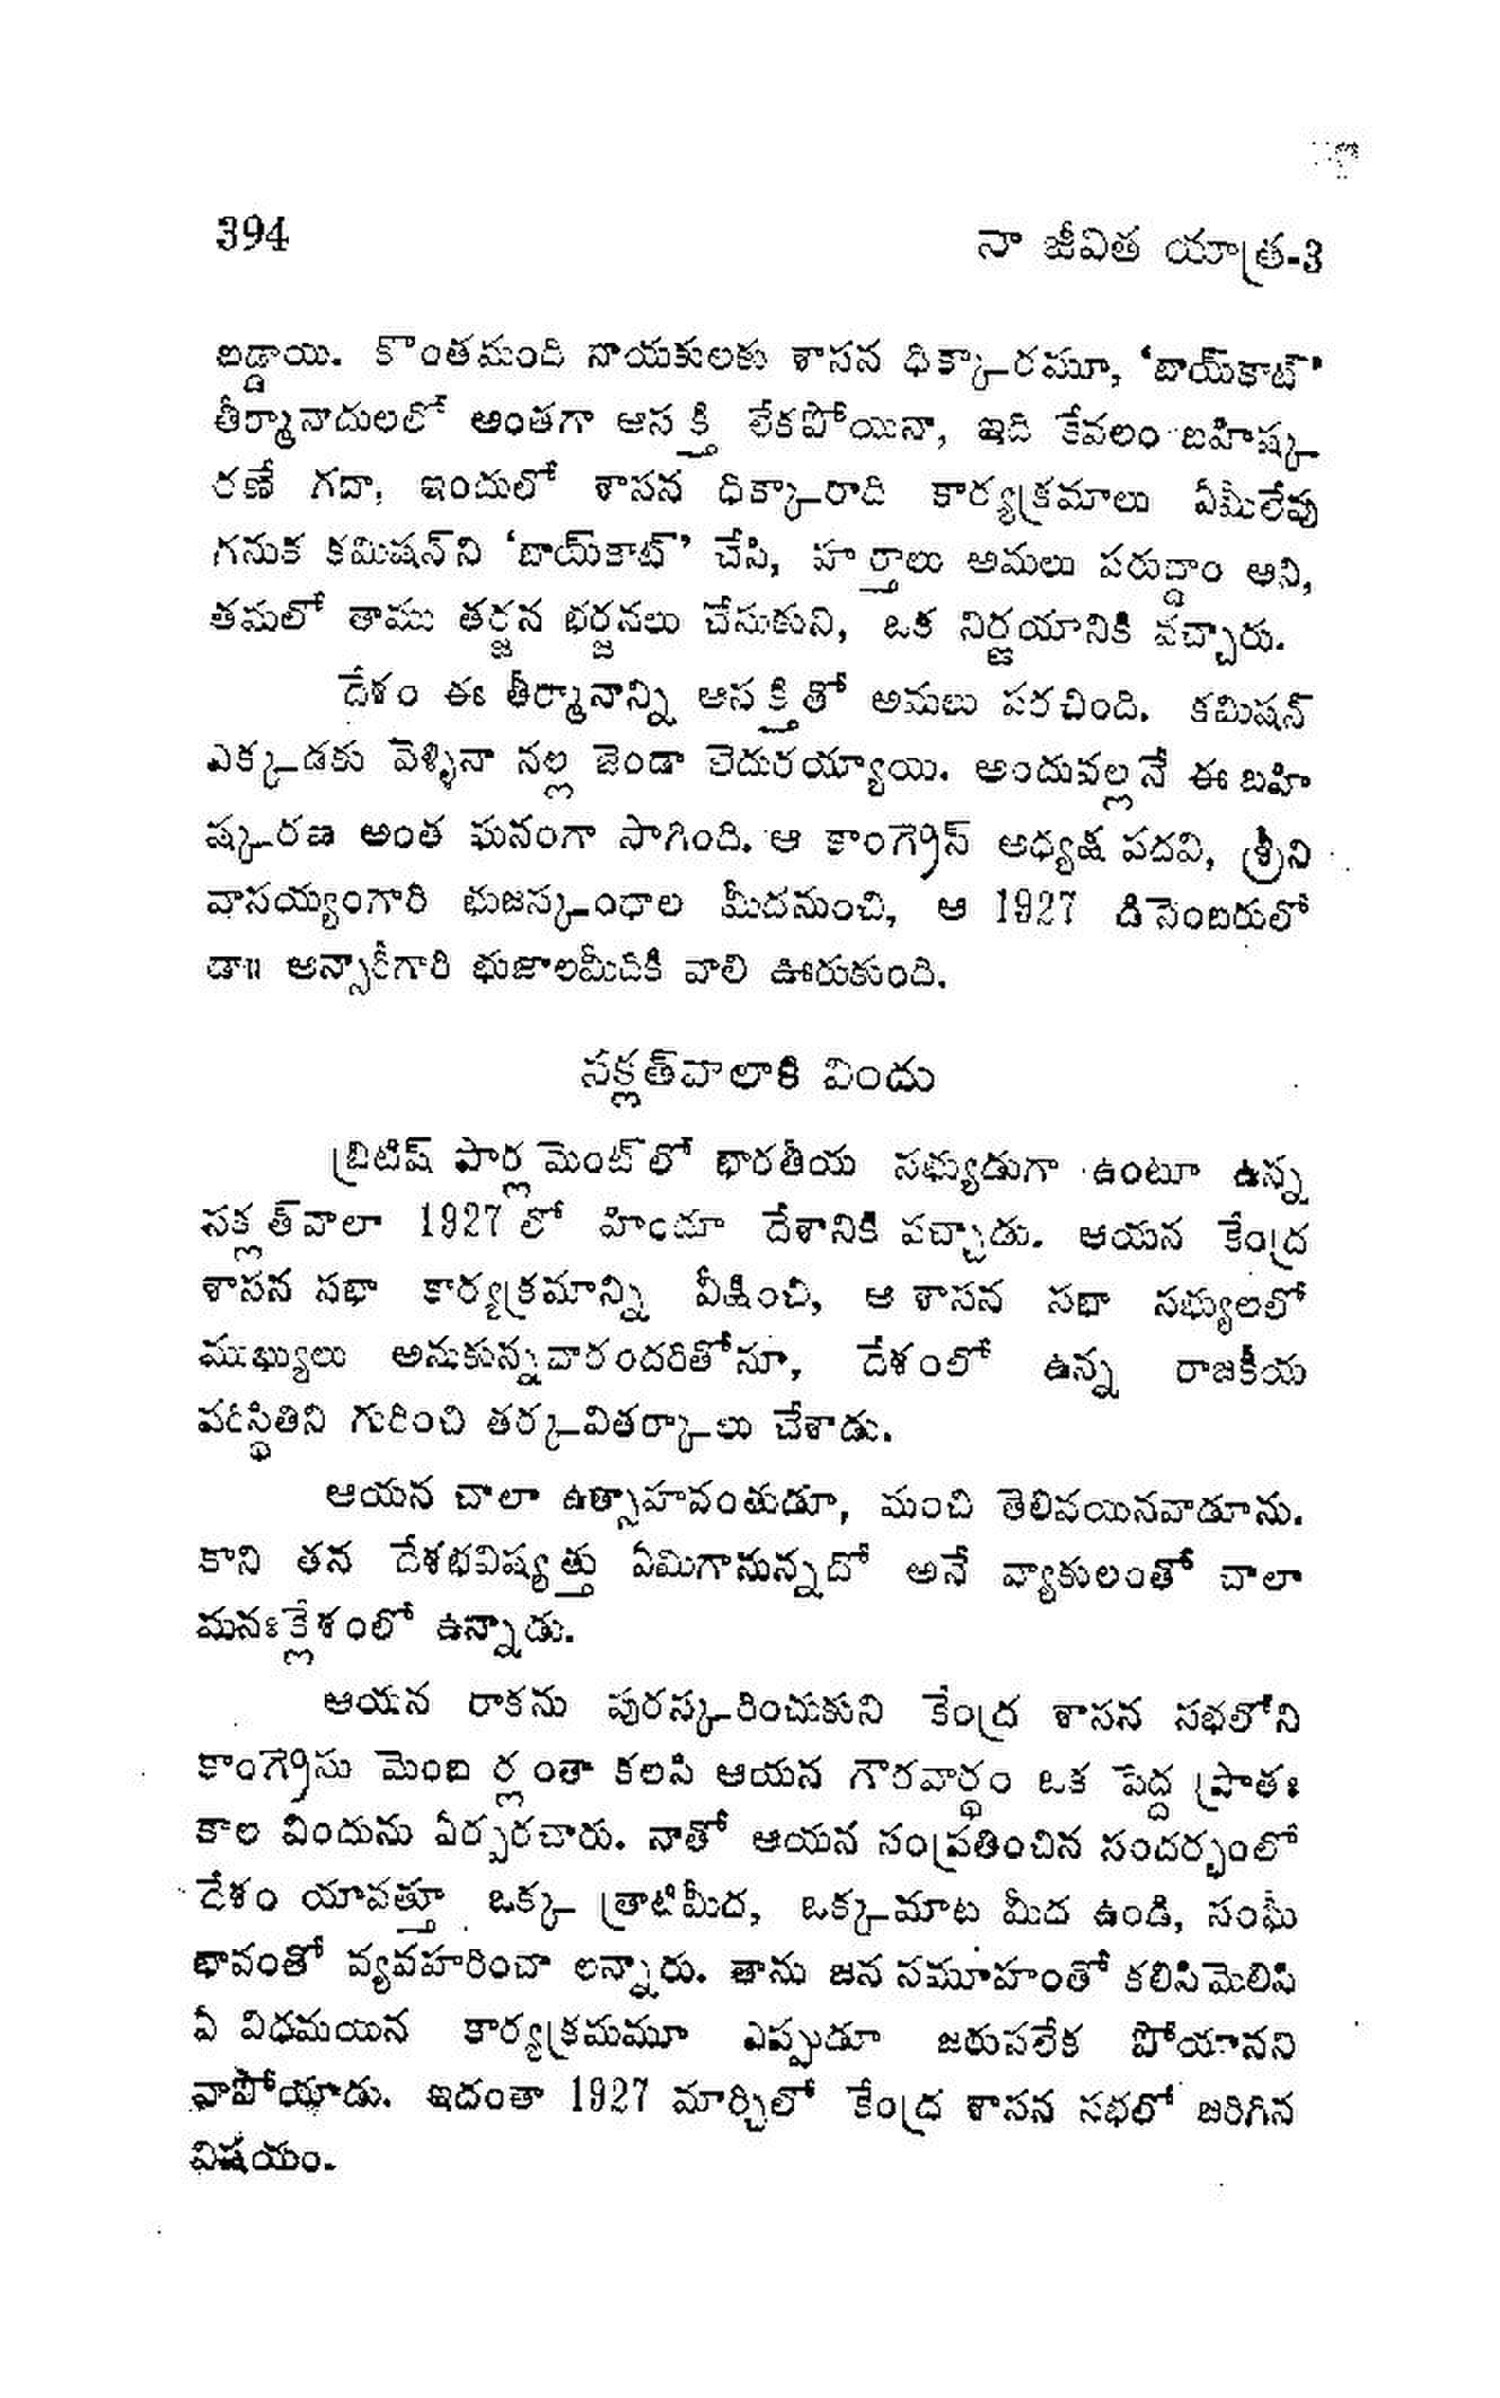బడ్డాయి. కొంతమంది నాయకులకు శాసన ధిక్కారమూ, 'బాయ్‌కాట్‌' తీర్మానాదులలో అంతగా ఆసక్తి లేకపోయినా, ఇది కేవలం బహిష్కరణే గదా, ఇందులో శాసన ధిక్కారాది కార్యక్రమాలు ఏమీలేవు గనుక కమిషన్‌ని 'బాయ్‌కాట్‌' చేసి, హర్తాలు అమలు పరుద్దాం అని, తమలో తాము తర్జన భర్జనలు చేసుకుని, ఒక నిర్ణాయానికి వచ్చారు.

దేశం ఈ తీర్మానాన్ని ఆసక్తితో అమలు పరచింది. కమిషన్ ఎక్కడకు వెళ్ళినా నల్ల జెండా లెదురయ్యాయి. అందువల్లనే ఈ బహిష్కరణ అంత ఘనంగా సాగింది. ఆ కాంగ్రెస్ అధ్యక్ష పదవి, శ్రీనివాసయ్యంగారి భుజస్కంధాల మీదనుంచి, ఆ 1927 డిసెంబరులో డా॥ అన్సారీగారి భుజాలమీదికి వాలి ఊరుకుంది.

బ్రిటిష్ పార్లమెంట్‌లో భారతీయ సభ్యుడుగా ఉంటూ ఉన్న సక్లత్‌వాలా 1927 లో హిందూ దేశానికి వచ్చాడు. ఆయన కేంద్ర శాసన సభా కార్యక్రమాన్ని వీక్షించి, ఆ శాసన సభా సభ్యులలో ముఖ్యులు అనుకున్నవారందరితోనూ, దేశంలో ఉన్న రాజకీయ పరిస్థితిని గురించి తర్కవితర్కాలు చేశాడు.

ఆయన చాలా ఉత్సాహవంతుడూ, మంచి తెలివయిన వాడూను. కాని తన దేశభవిష్యత్తు ఏమిగానున్నదో అనే వ్యాకులంతో చాలా మన:క్లేశంలో ఉన్నాడు.

ఆయన రాకను పురస్కరించుకుని కేంద్ర శాసన సభలోని కాంగ్రెసు మెంబర్లంతా కలసి ఆయన గౌరవార్థం ఒక పెద్ద ప్రాత:కాల విందును ఏర్పరచారు. నాతో ఆయన సంప్రతించిన సందర్భంలో దేశం యావత్తూ ఒక్క త్రాటిమీద, ఒక్కమాట మీద ఉండి, సంఘీభావంతో వ్యవహరించా లన్నారు. తాను జన సమూహంతో కలిసిమెలిసి ఏ విధమయిన కార్యక్రమమూ ఎప్పుడూ జరుపలేక పోయానని వాపోయాడు. ఇదంతా 1927 మార్చిలో కేంద్ర శాసన సభలో జరిగిన విషయం.